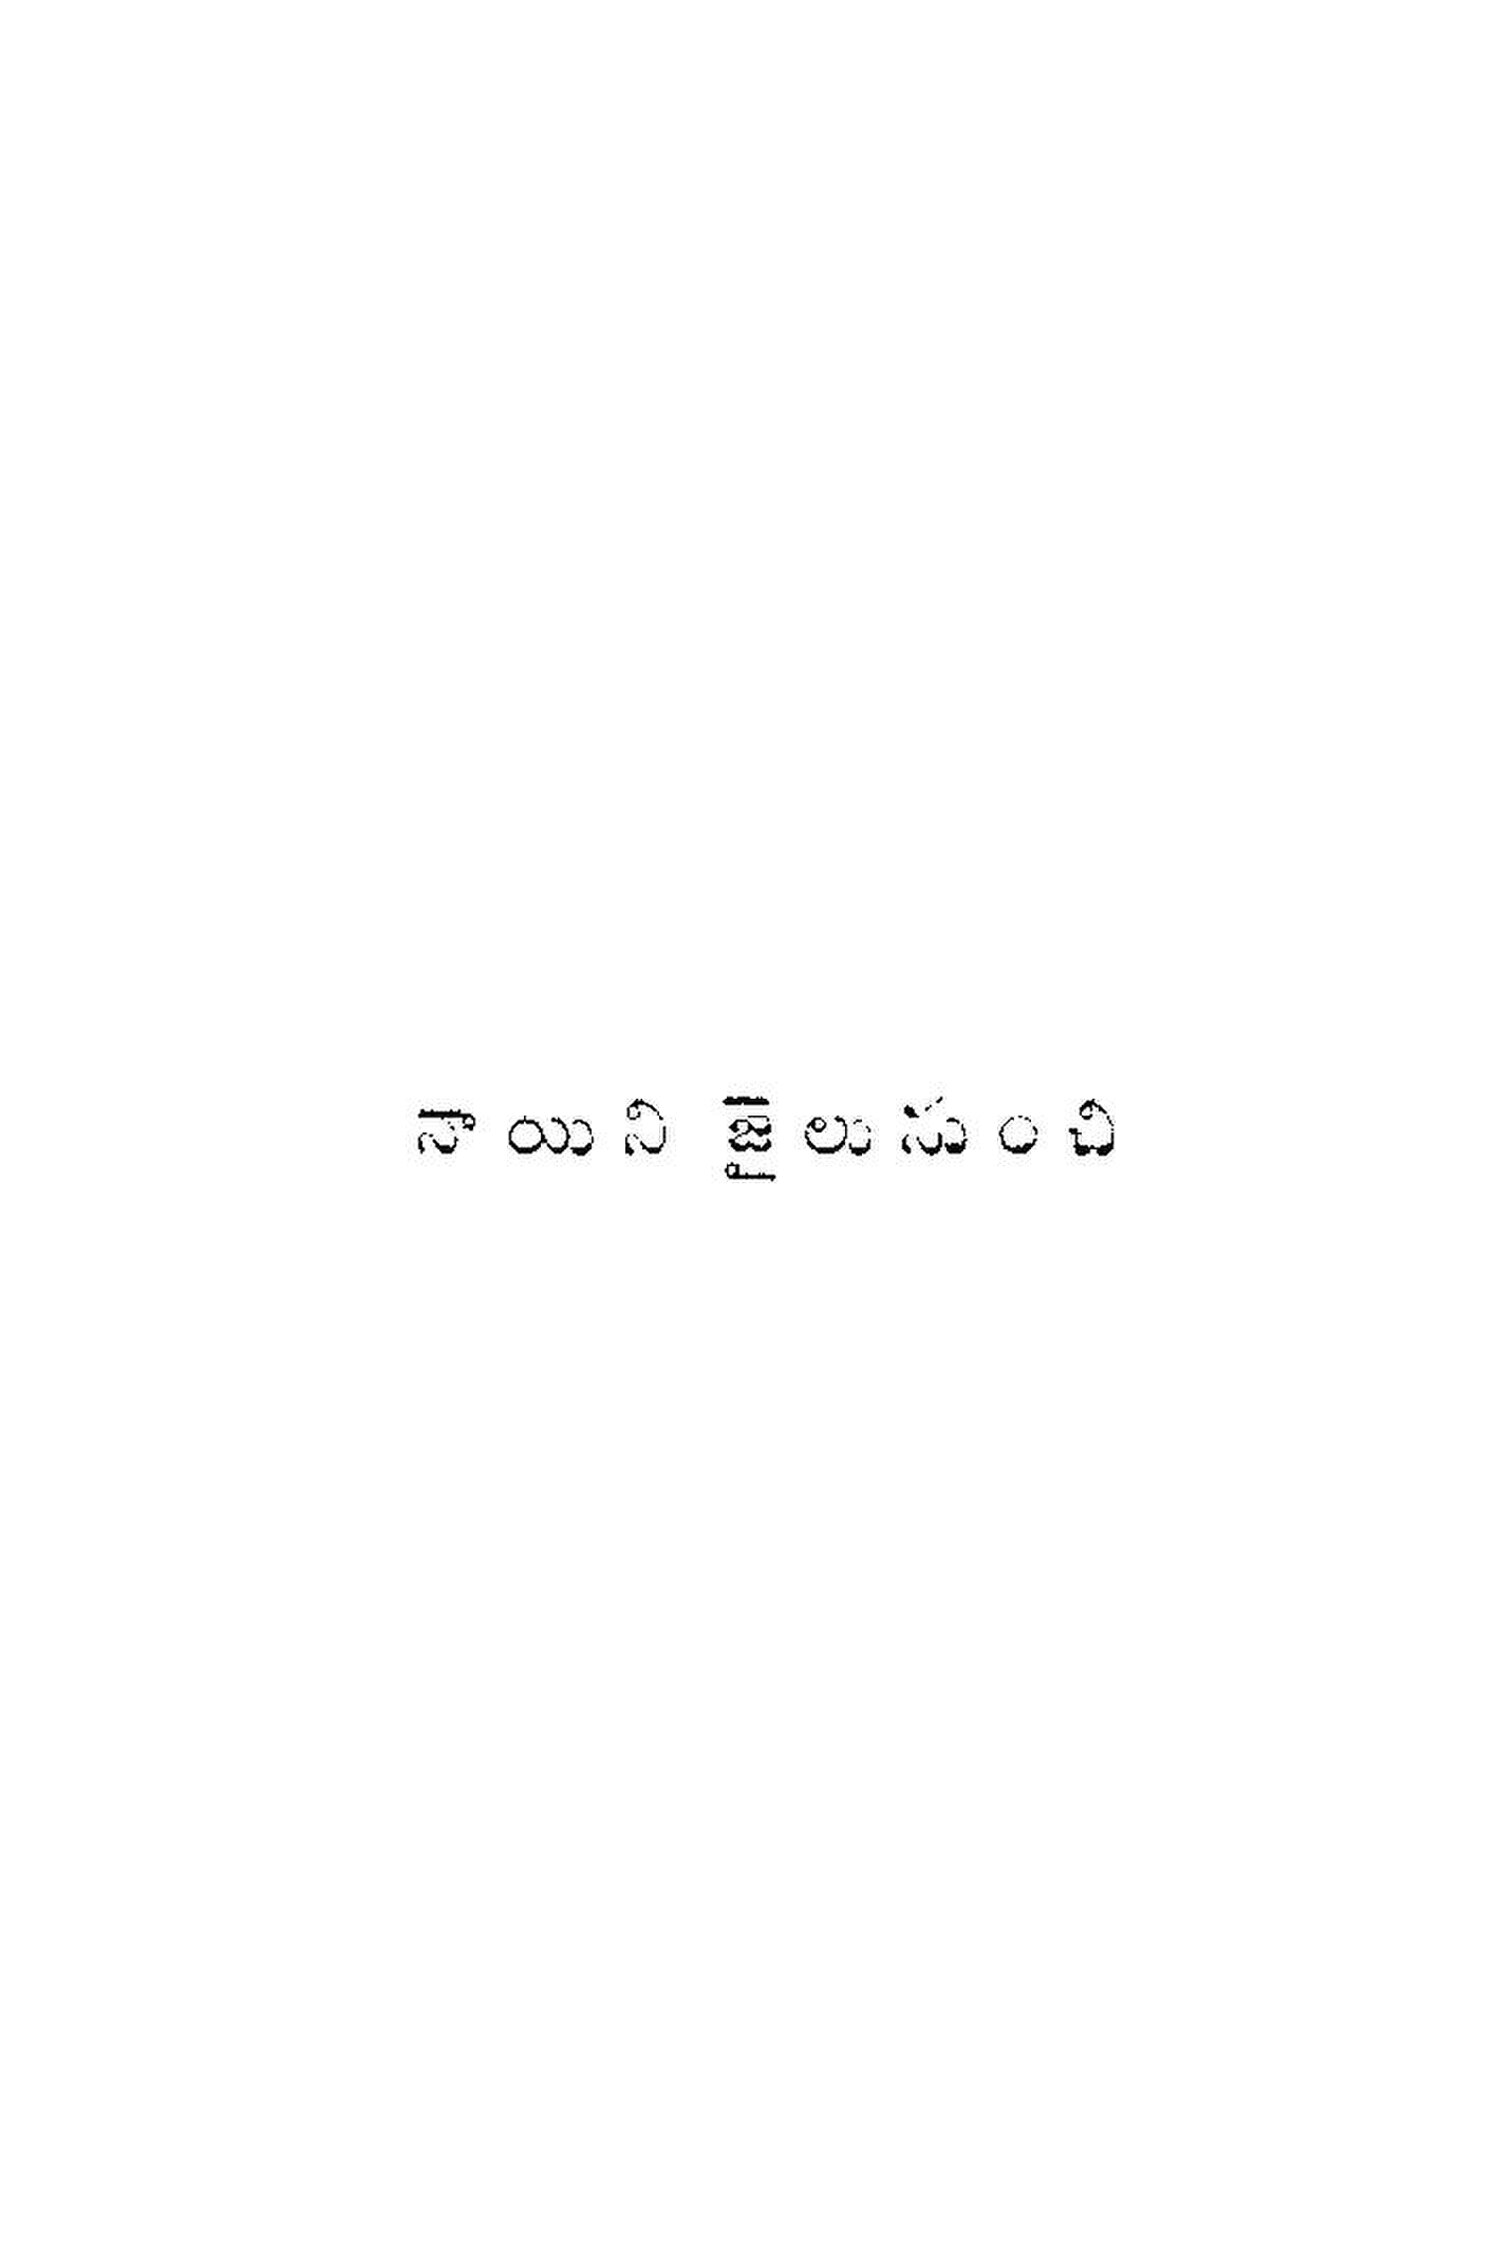నాయిని జైలునుంచి